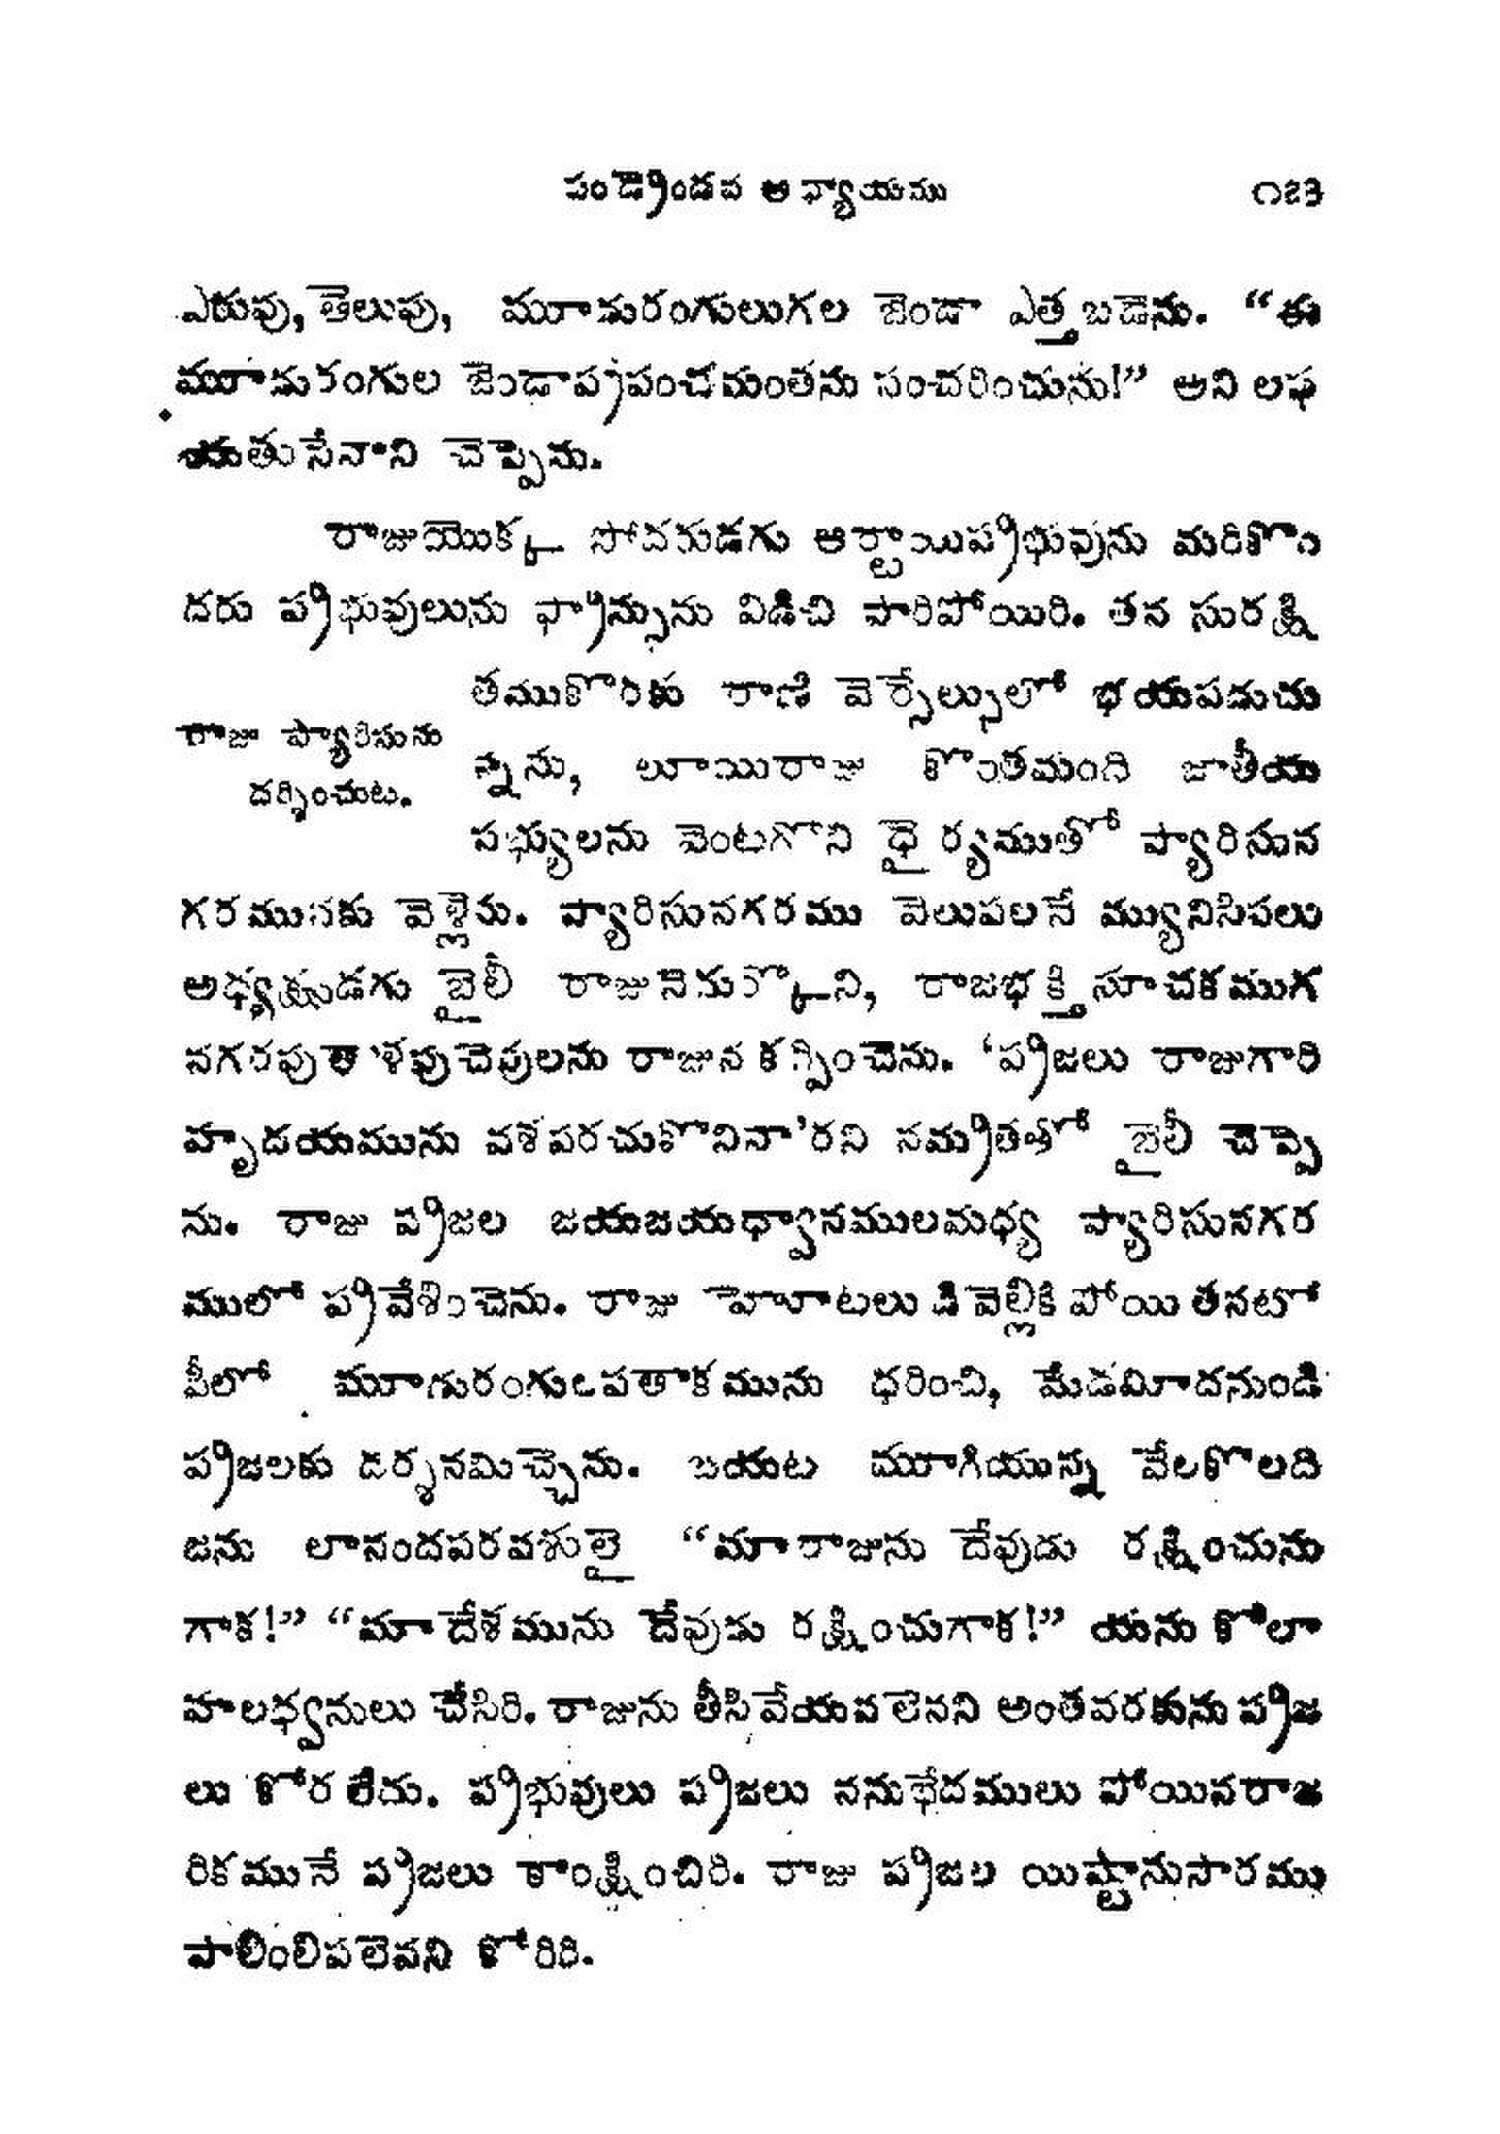ఎరుపు, తెలుపు, మూడురంగులు గల జెండా ఎత్తబడెను. "ఈ
మూడు రంగుల జెండా ప్రపంచమంతను సంచరించును!" అని లఫ
యతుసేనాని చెప్పెను.

రాజు ప్యారీసును
దర్శించుట,

రాజు యొక్క సోదరుడగు ఆర్డాయిప్రభువును మరికొం
దరు ప్రభువులును ఫ్రాన్సును విడిచి పారిపోయిరి. తన సురక్షి
తము కొరకు రాణి వెర్సెల్సులో భయపడుచున్నను, లూయిరాజు కొంతమంది జూతీయ
సభ్యులను వెంటగాని ధైర్యముతో ప్యారిసునగరమునకు వెళ్లెను. ప్యారిసునగరము వెలుపలనే మ్యునిసిపలు అధ్యక్షుడగు బైలీ రాజు ంర్దుర్కొనిన, రాజభక్తి సూచకముగ
నగరపు తాళపు చెవులను రాజున కర్పించెను. 'ప్రజలు రాజుగారి
హృదయమును వశ పరచుకొనినా రని నమ్రతతో బైలీ చెప్పె
ను. రాజు ప్రజల జయజయధ్వానముల మధ్య ప్యారిసు నగర
ములో ప్రవేశిచెను. రాజు హోటలు డివెల్లికి పోయి తనటో
పీలో మూగురంగుల పతాకమును ధరించి, మేడమీదనుండి
ప్రజలకు దర్శనమిచ్చెను. బయట మూగియున్న వేలకొలది
జను లానందపరవశులై "మారాజును దేవుడు రక్షించును
గాక! "మా దేశమును దేవుడు రక్షించుగాక!" యనుగోలా
హలధ్వనులు చేసిరి. రాజును తీసివేయపలెనని అంతవరకును ప్రజ
లు కోర లేదు. ప్రభువులు ప్రజలు నను భేదములు పోయిన రాజు
రికమునే ప్రజలు కాంక్షించిరి. రాజు ప్రజల యిష్టానుసారము
పాలింలిపలెనని కోరిరి.